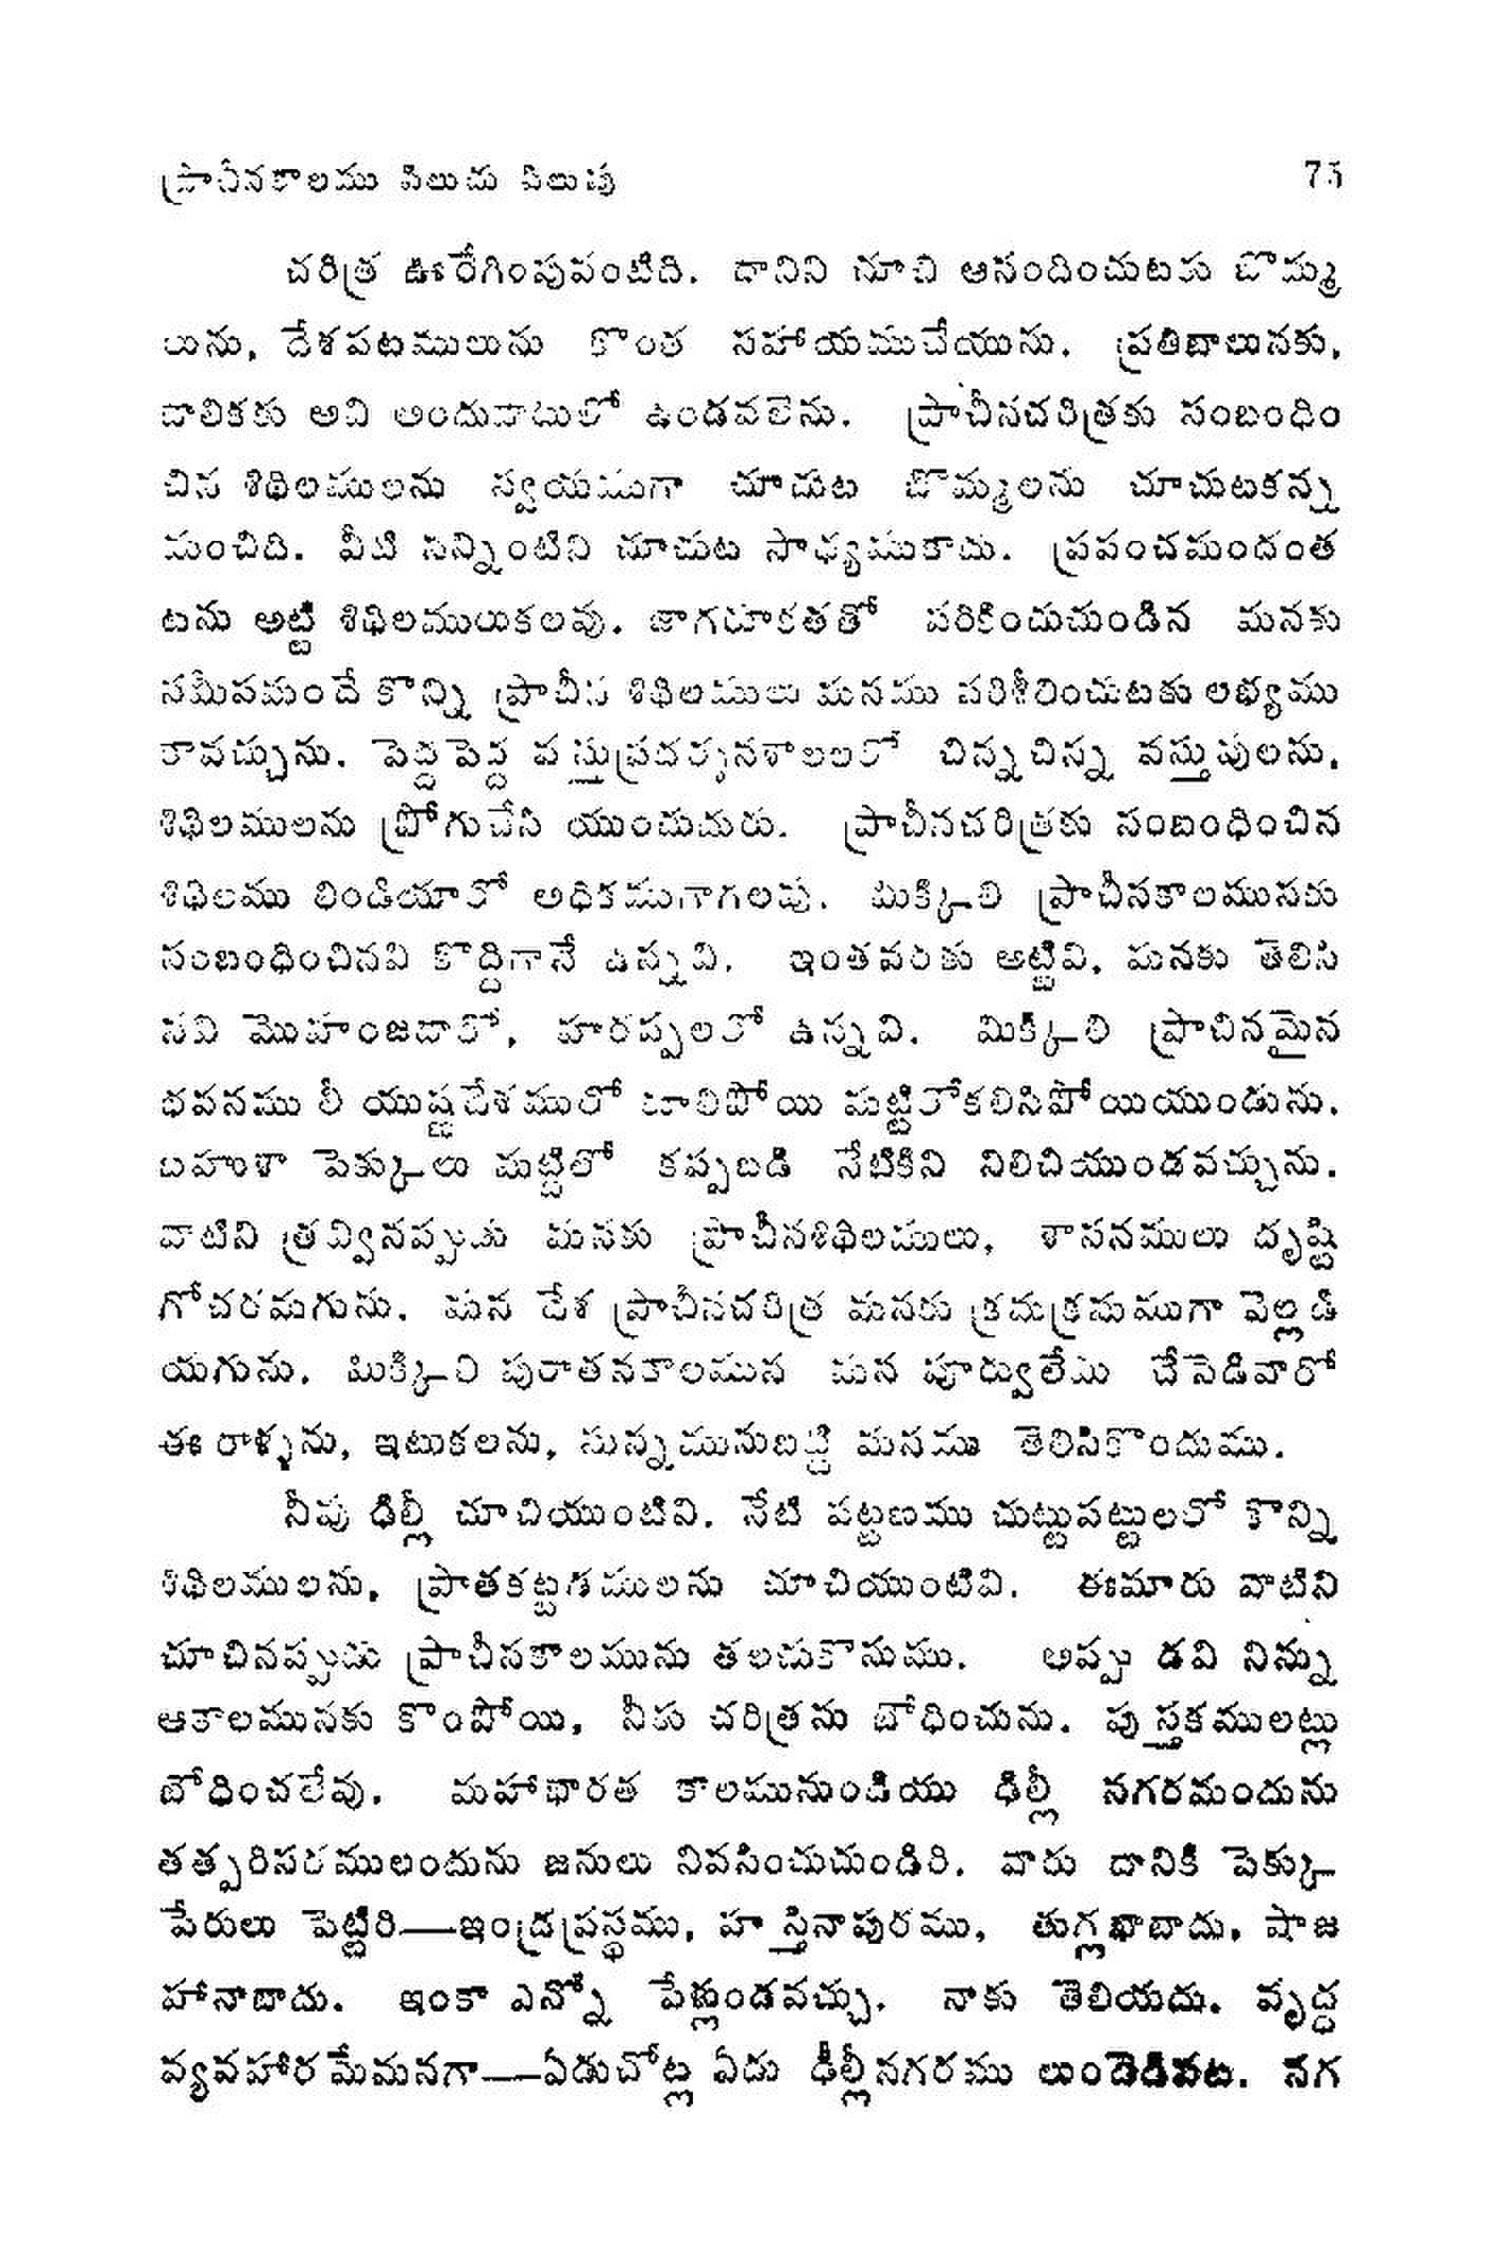చరిత్ర ఊరేగింపువంటిది. దానిని చూచి ఆనందించుటకు బొమ్మలును, దేశపటములును కొంత సహాయముచేయును. ప్రతిబాలునకు, బాలికకు అవి అందుబాటులో ఉండవలెను. ప్రాచీనచరిత్రకు సంబంధించిన శిథిలములను స్వయముగా చూచుట బొమ్మలను చూచుటకన్న మంచిది. వీటి నన్నింటిని చూచుట సాధ్యముకాదు. ప్రపంచమందంతటను అట్టి శిథిలములుకలవు. జాగరూకతతో పరికించుచుండిన మనకు సమీపమందే కొన్ని ప్రాచీన శిథిలములు మనము పరిశీలించుటకు లభ్యము కావచ్చును. పెద్ద పెద్ద వస్తుప్రదర్శనశాలలకో చిన్నచిన్న వస్తువులను, శిథిలములను ప్రోగుచేసి యుంచుచురు. ప్రాచీనచరిత్రకు సంబంధించిన శిథిలము లిండియాలో అధికముగాగలవు. మిక్కిలి ప్రాచీనకాలమునకు సంబంధించినవి కొద్దిగానే ఉన్నవి. ఇంతవరకు అట్టివి, మనకు తెలిసినవి మొహంజదారో, హరప్పలలో ఉన్నవి. మిక్కిలి ప్రాచీనమైన భవనము లీయుష్ణదేశములో కూలిపోయి మట్టిలోకలిసిపోయియుండును. బహుశా పెక్కులు మట్టిలో కప్పబడి నేటికిని నిలిచి యుండవచ్చును. వాటిని త్రవ్వినప్పుడు మనకు ప్రాచీనశిథిలములు, శాసనములు దృష్టి గోచరమగుసు, మన దేశ ప్రాచీనచరిత్ర మనకు క్రమక్రమముగా వెల్లడియగును. మిక్కిలి పురాతనకాలమున మన పూర్వులేమి చేసెడివారో ఈ రాళ్ళను, ఇటుకలను, సున్నమునుబట్టి మనము తెలిసికొందుము.

నీవు ఢిల్లీ చూచియుంటివి. నేటి పట్టణము చుట్టుపట్టులలో కొన్ని శిథిలములను, ప్రాతకట్టడములను చూచియుంటివి. ఈమారు వాటిని చూచినప్పుడు ప్రాచీనకాలమును తలచుకొనుము. అప్పు డవి నిన్ను ఆకాలమునకు కొంపోయి, నీకు చరిత్రను బోధించును. పుస్తకములట్లు బోధించలేవు. మహాభారత కాలమునుండియు ఢిల్లీ నగరమందును తత్పరిసరములందును జనులు నివసించుచుండిరి. వారు దానికి పెక్కు పేరులు పెట్టిరి – ఇంద్రప్రస్థము, హస్తినాపురము, తుగ్ల ఖాబాదు, షాజహానాబాదు. ఇంకా ఎన్నో పేర్లుండవచ్చు. నాకు తెలియదు. వృద్ద వ్యవహారమేమనగా - ఏడుచోట్ల ఏడు ఢిల్లీనగరము లుండెడివట. నగ